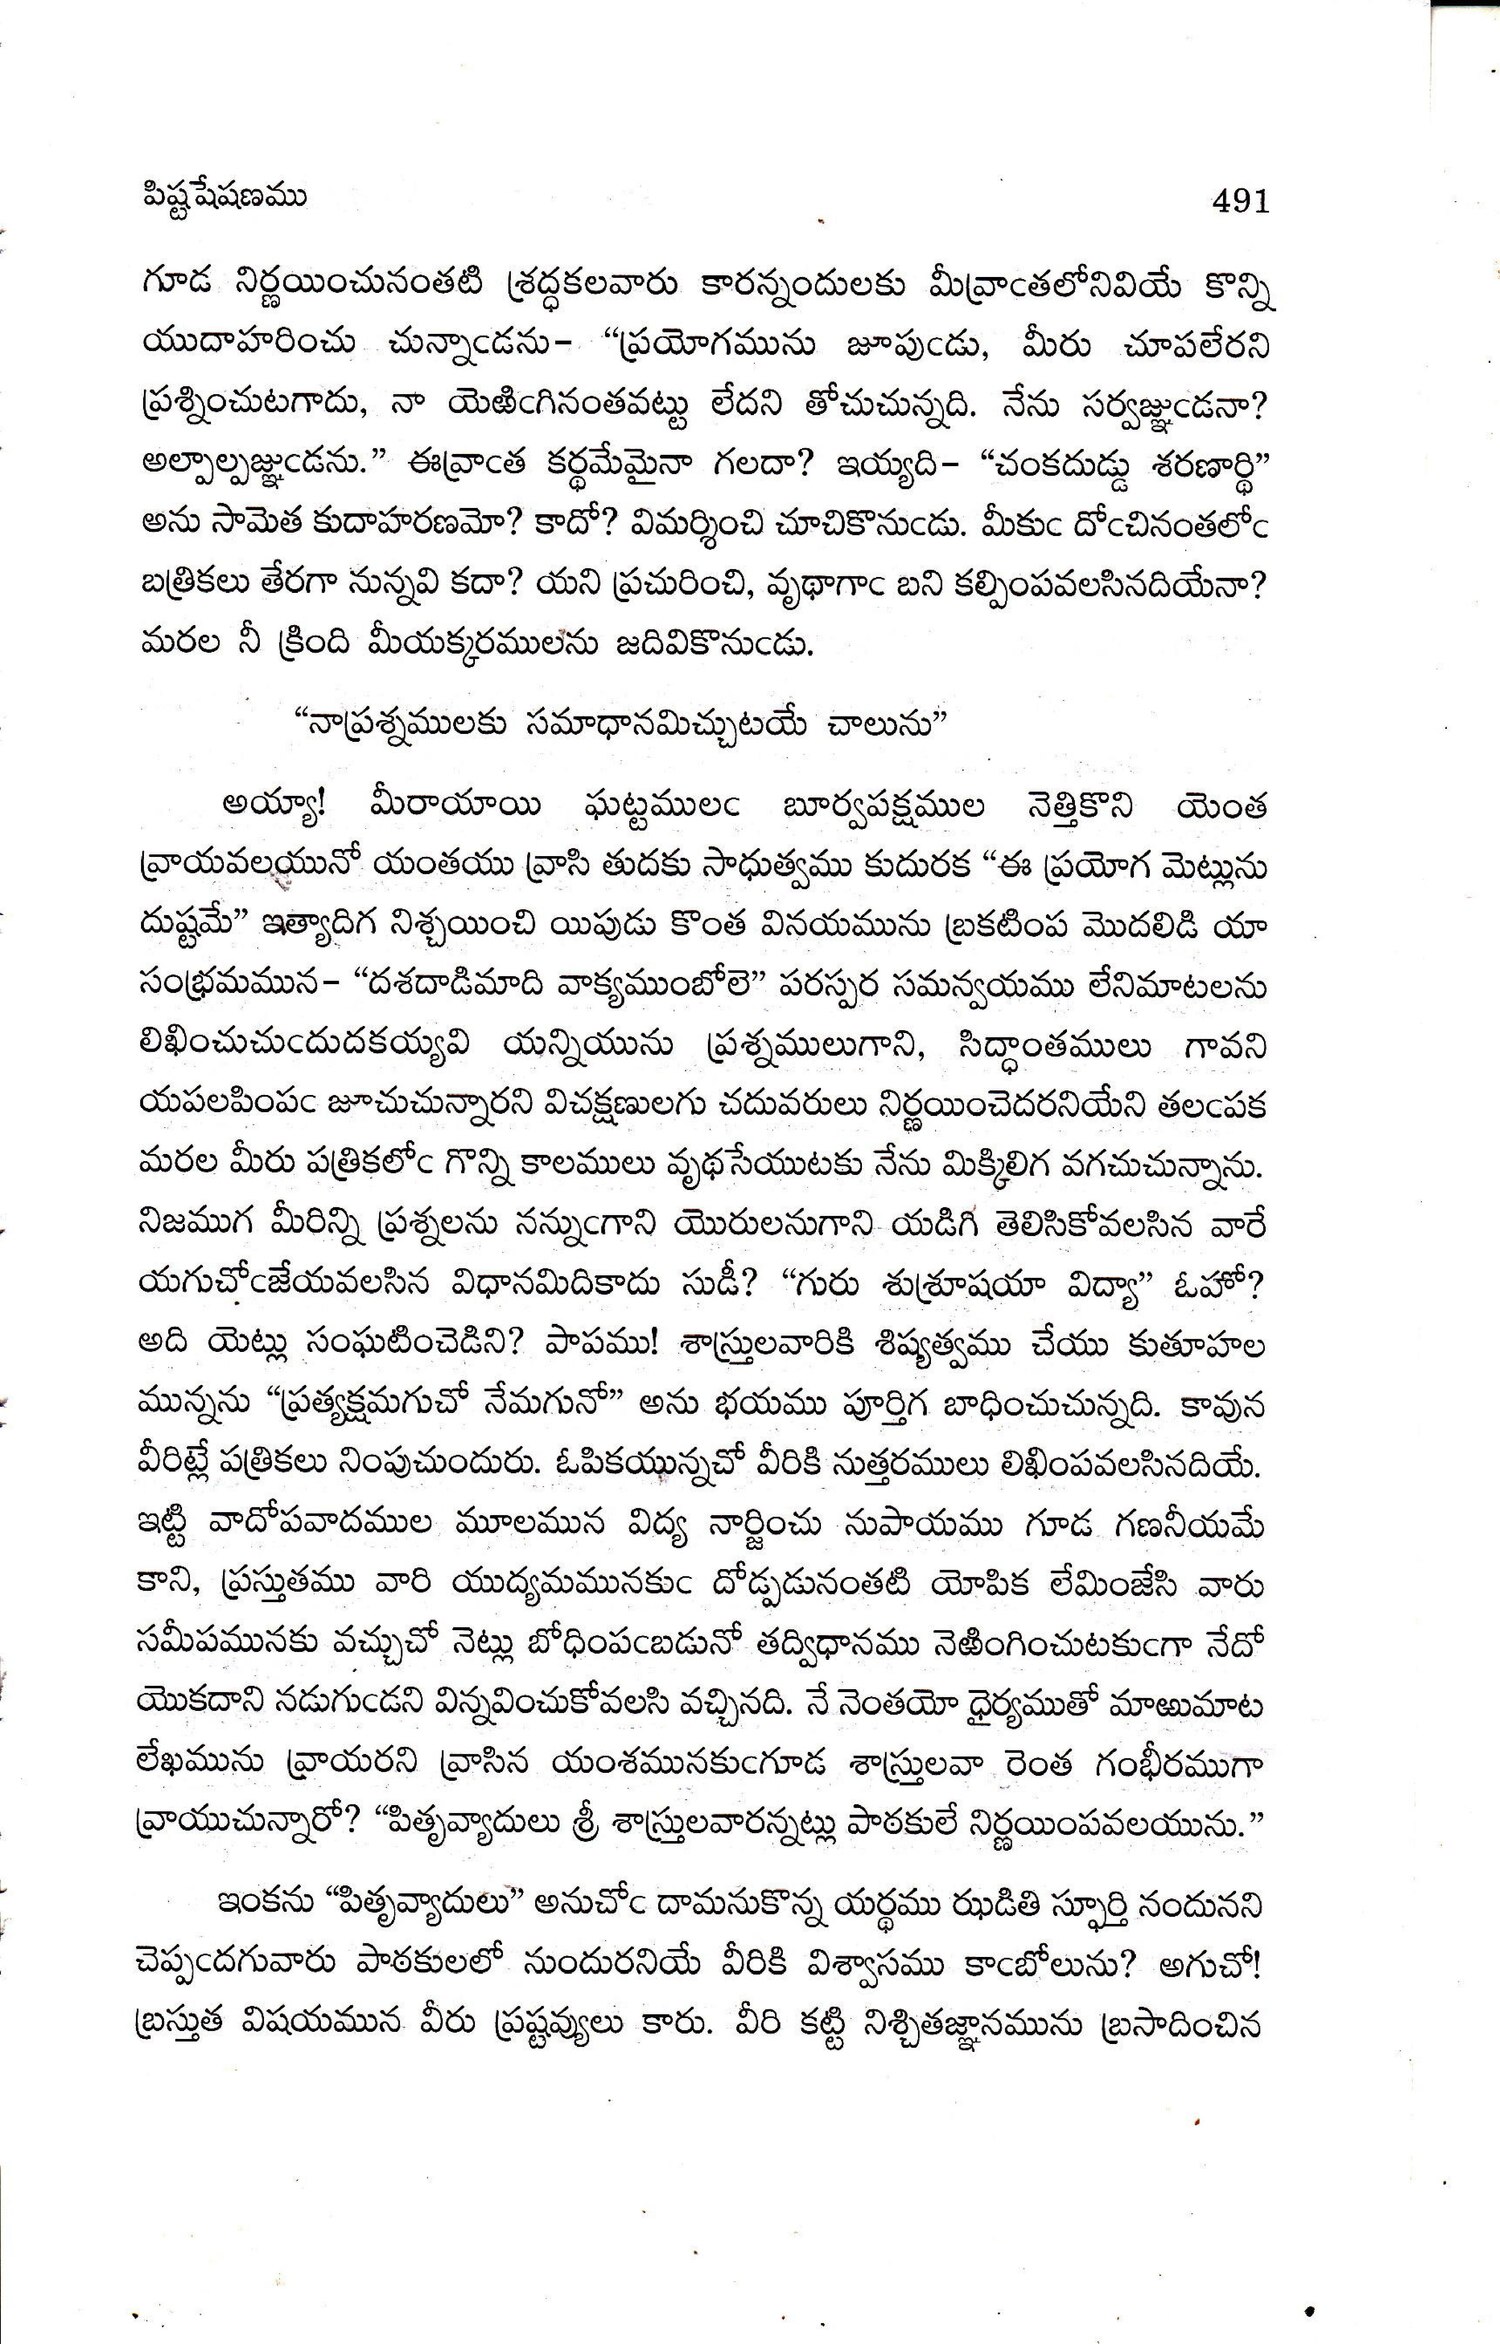గూడ నిర్ణయించునంతటి శ్రద్ధకలవారు కారన్నందులకు మీ వ్రాఁతలోనివియే కొన్ని యుదాహరించు చున్నాఁడను- “ప్రయోగమును జూపుఁడు, మీరు చూపలేరని ప్రశ్నించుటగాదు, నా యెఱిఁగినంతవట్టు లేదని తోచుచున్నది. నేను సర్వజ్ఞుఁడనా? అల్పాల్పజ్ఞుఁడను." ఈవ్రాఁత కర్ధమేమైనా గలదా? ఇయ్యది- "చంకదుడ్డు శరణార్థి అను సామెత కుదాహరణమో? కాదో? విమర్శించి చూచికొనుఁడు. మీకుఁ దోcచినంతలోఁ బత్రికలు తేరగా నున్నవి కదా? యని ప్రచురించి, వృథాగాఁ బని కల్పింపవలసినదియేనా? మరల నీ క్రింది మీయక్కరములను జదివికొనుఁడు.

"నాప్రశ్నములకు సమాధానమిచ్చుటయే చాలును"

అయ్యా! మీరాయాయి ఘట్టములఁ బూర్వపక్షముల నెత్తికొని యెంత వ్రాయవలయునో యంతయు వ్రాసి తుదకు సాధుత్వము కుదురక “ఈ ప్రయోగ మెట్లును దుష్టమే" ఇత్యాదిగ నిశ్చయించి యిపుడు కొంత వినయమును బ్రకటింప మొదలిడి యా సంభ్రమమున- "దశదాడిమాది వాక్యముంబోలె" పరస్పర సమన్వయము లేనిమాటలను లిఖించుచుఁదుదకయ్యవి యన్నియును ప్రశ్నములుగాని, సిద్ధాంతములు గావని యపలపింపఁ జూచుచున్నారని విచక్షణులగు చదువరులు నిర్ణయించెదరనియేని తలఁపక మరల మీరు పత్రికలోc గొన్ని కాలములు వృథసేయుటకు నేను మిక్కిలిగ వగచుచున్నాను. నిజముగ మీరిన్ని ప్రశ్నలను నన్నుఁగాని యొరులనుగాని యడిగి తెలిసికోవలసిన వారే యగుచోఁజేయవలసిన విధానమిదికాదు సుడీ? "గురు శుశ్రూషయా విద్యా" ఓహో? అది యెట్లు సంఘటించెడిని? పాపము! శాస్త్రులవారికి శిష్యత్వము చేయు కుతూహల మున్నను "ప్రత్యక్షమగుచో నేమగునో" అను భయము పూర్తిగ బాధించుచున్నది. కావున వీరిబ్లే పత్రికలు నింపుచుందురు. ఓపికయున్నచో వీరికి నుత్తరములు లిఖింపవలసినదియే. ఇట్టి వాదోపవాదముల మూలమున విద్య నార్జించు నుపాయము గూడ గణనీయమే కాని, ప్రస్తుతము వారి యుద్యమమునకుఁ దోడ్పడునంతటి యోపిక లేమింజేసి వారు సమీపమునకు వచ్చుచో నెట్లు బోధింపఁబడునో తద్విధానము నెఱింగించుటకుఁగా నేదో యొకదాని నడుగుఁడని విన్నవించుకోవలసి వచ్చినది. నేనెంతయో ధైర్యముతో మాఱుమాట లేఖమును వ్రాయరని వ్రాసిన యంశమునకుఁగూడ శాస్త్రులవా రెంత గంభీరముగా వ్రాయుచున్నారో? "పితృవ్యాదులు శ్రీ శాస్త్రులవారన్నట్లు పాఠకులే నిర్ణయింపవలయును."

ఇంకను "పితృవ్యాదులు" అనుచోఁ దామనుకొన్నయర్థము ఝడితి స్ఫూర్తి నందునని చెప్పఁదగువారు పాఠకులలో నుందురనియే వీరికి విశ్వాసము కాఁబోలును? అగుచో! బ్రస్తుత విషయమున వీరు ప్రష్టవ్యులు కారు. వీరి కట్టి నిశ్చితజ్ఞానమును బ్రసాదించిన